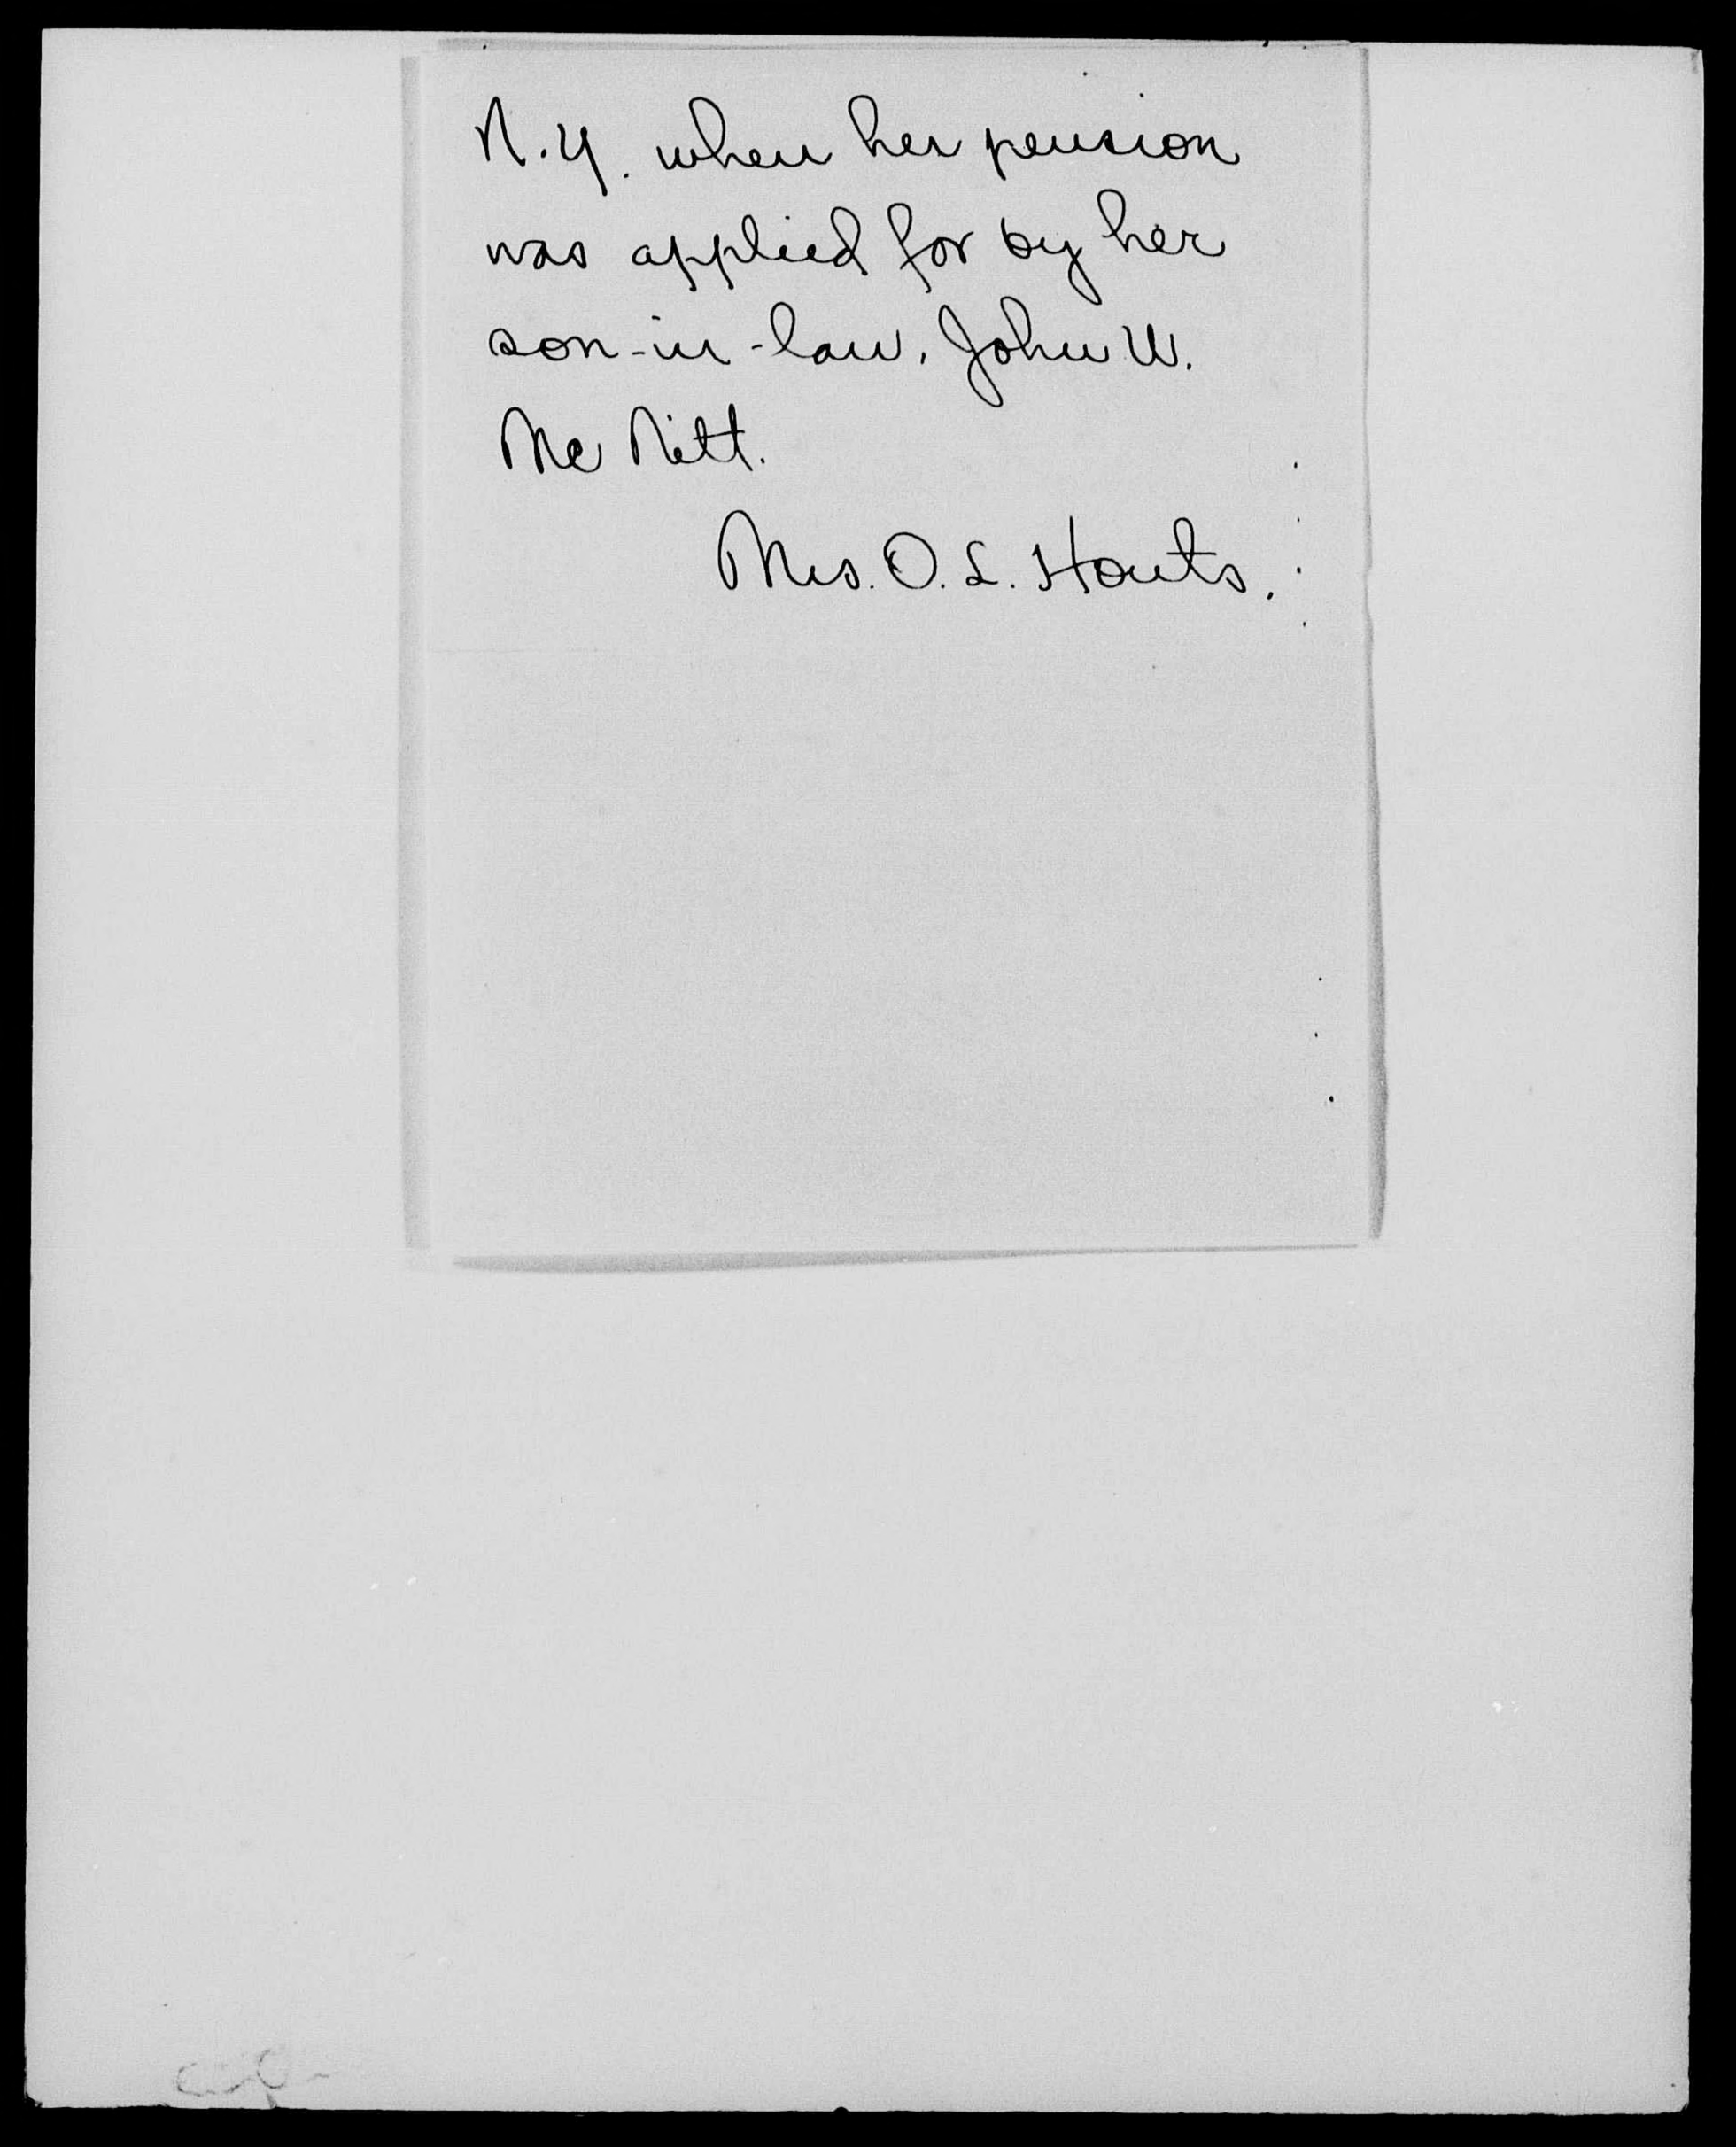N.Y. when her pension was applied for by her son-in-law, John W. McNitt.
Mrs. O.L. Houts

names: O L Houts, John W Mc Nitt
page: 25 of 38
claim: widow's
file: W. 23,381, Abner Hubbard, Continental Mass.